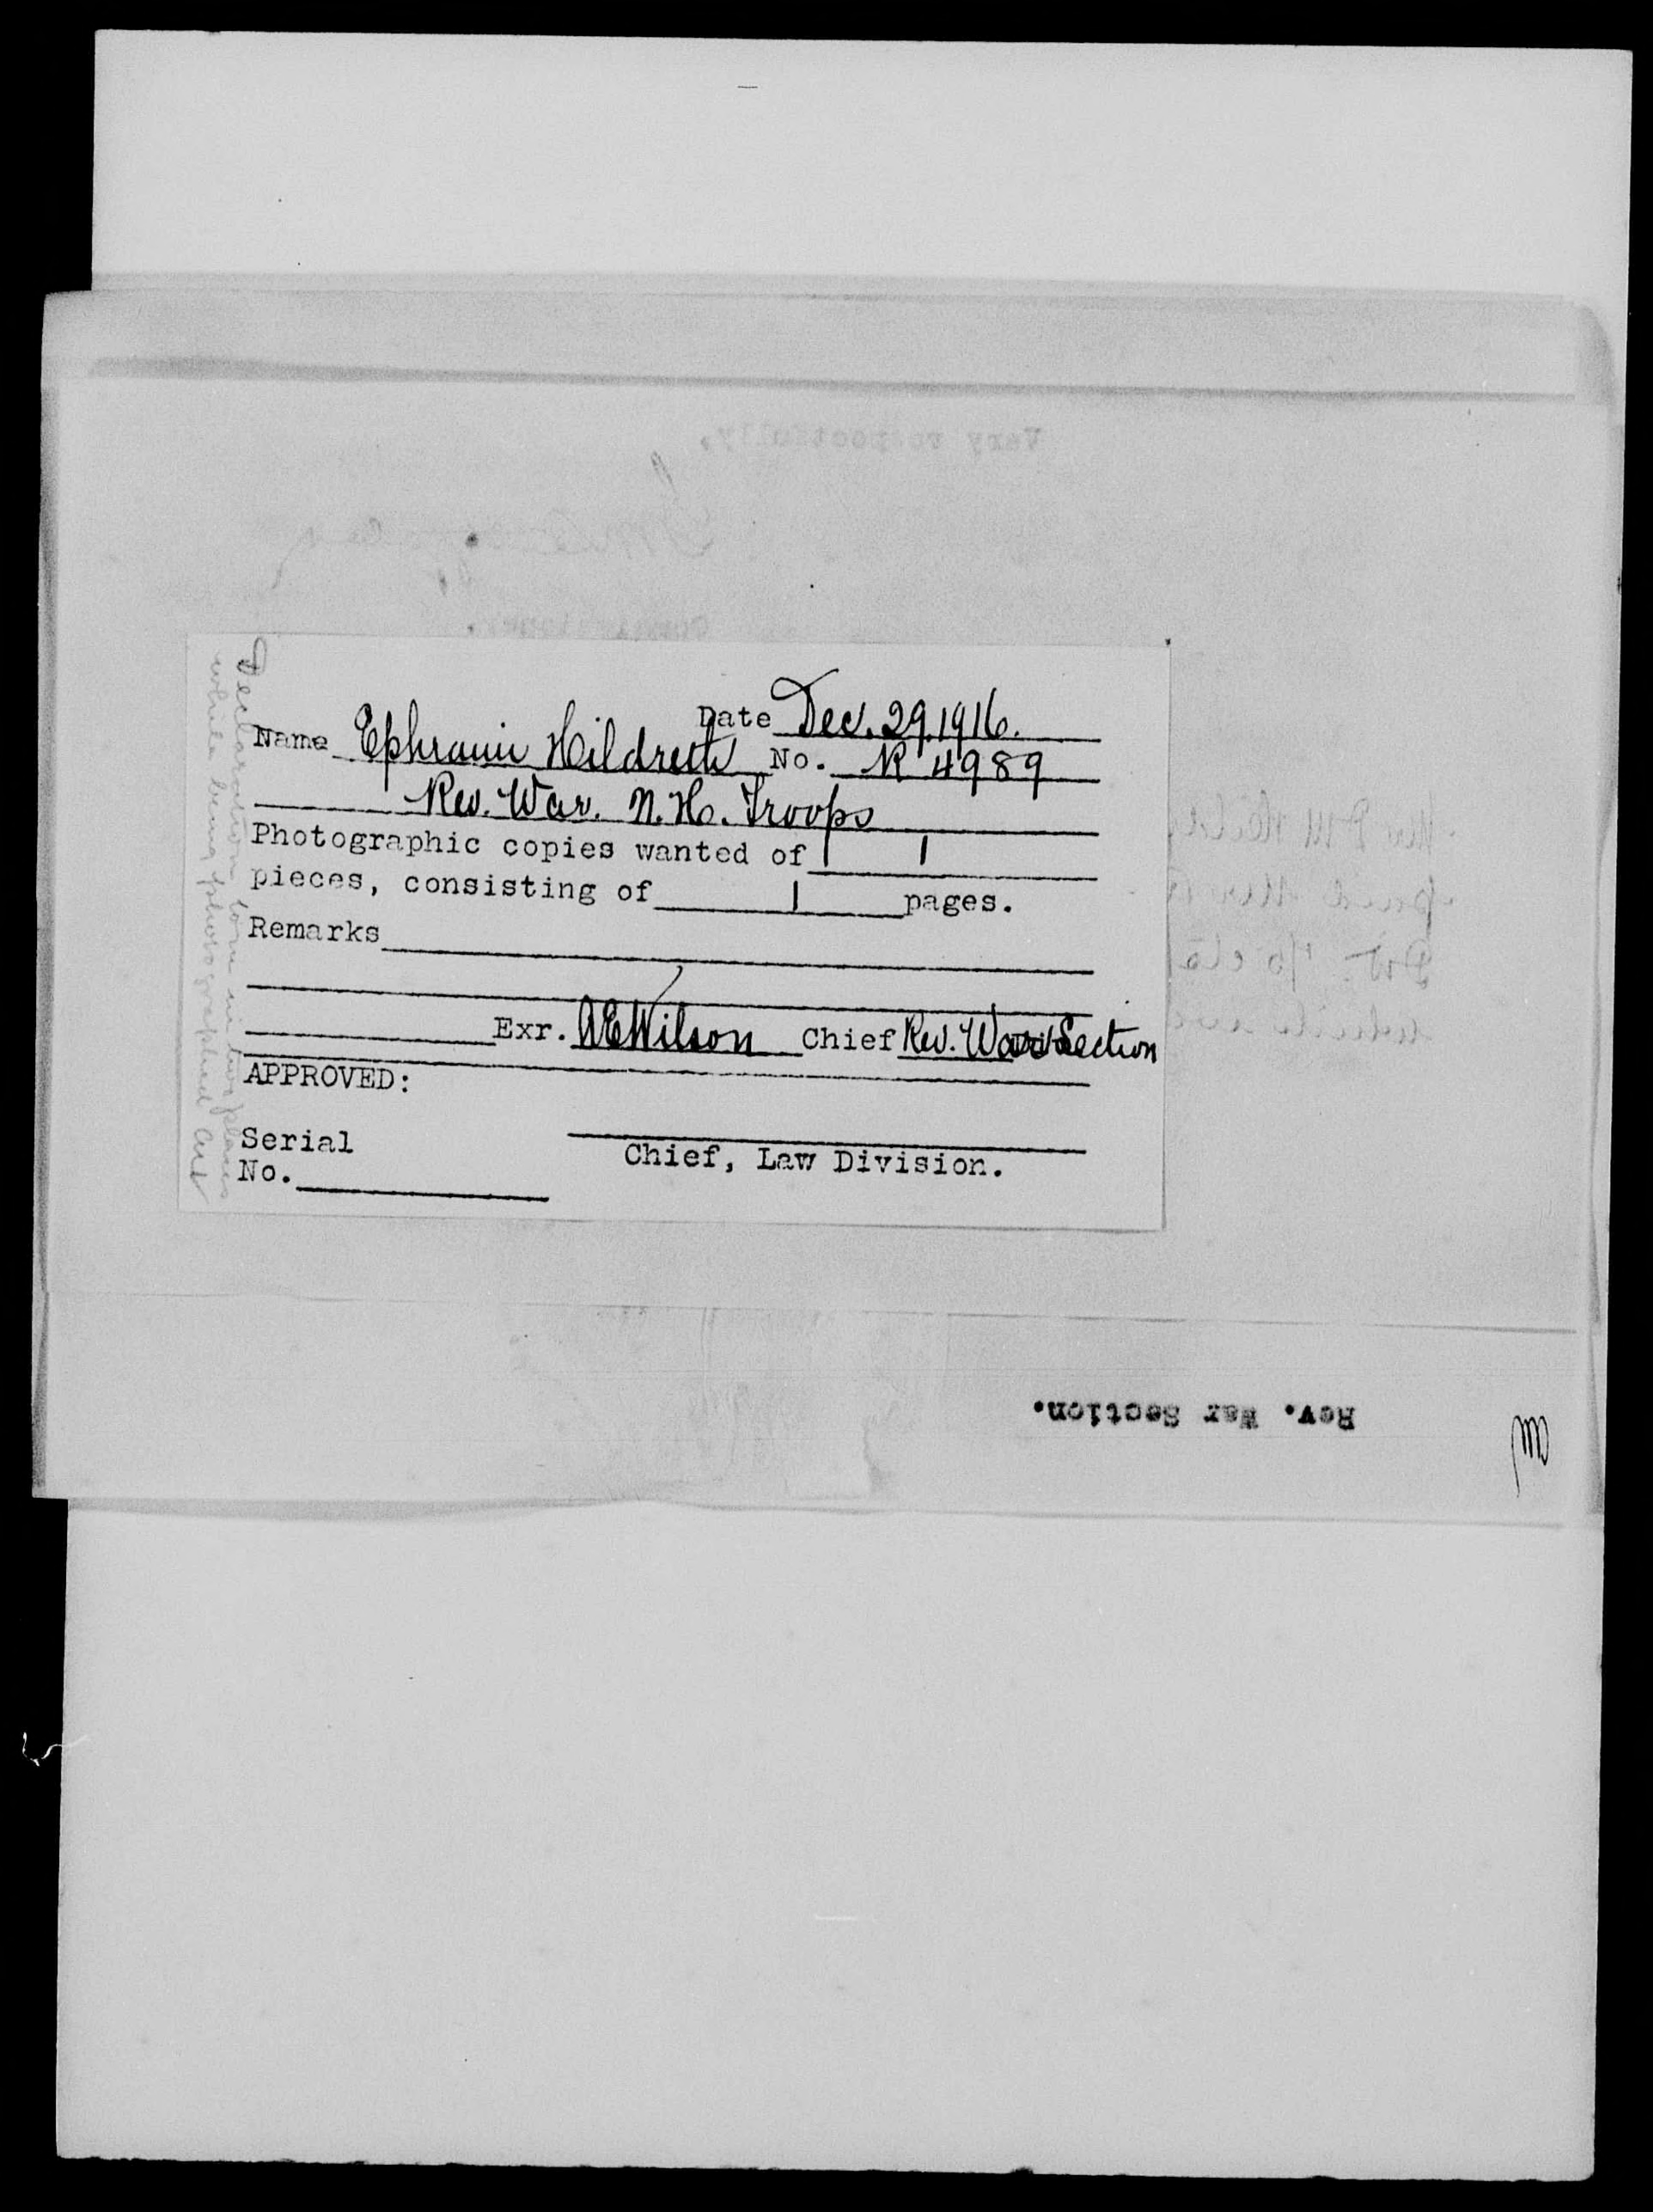Date Dec. 29, 1916

Name   Ephraim Hildreth  No. R 4989

Rev(olutionary). War. N. H. Troops

Photographic copies wanted of   1
pieces, consisting of     1 pages
Remarks  (left blank)

Exr. A E Wilson     Chief Rev(olutionary). War Section
APPROVED:   (left blank)
Chief, Law Division.

Serial
No.   (left blank)

(upside down on a separate page -- Rev(olutionary) War Section.)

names: Ephraim Hildreth, A E Wilson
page: 10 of 17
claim: rejected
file: R. 4989, Ephraim Hildreth, N.H.